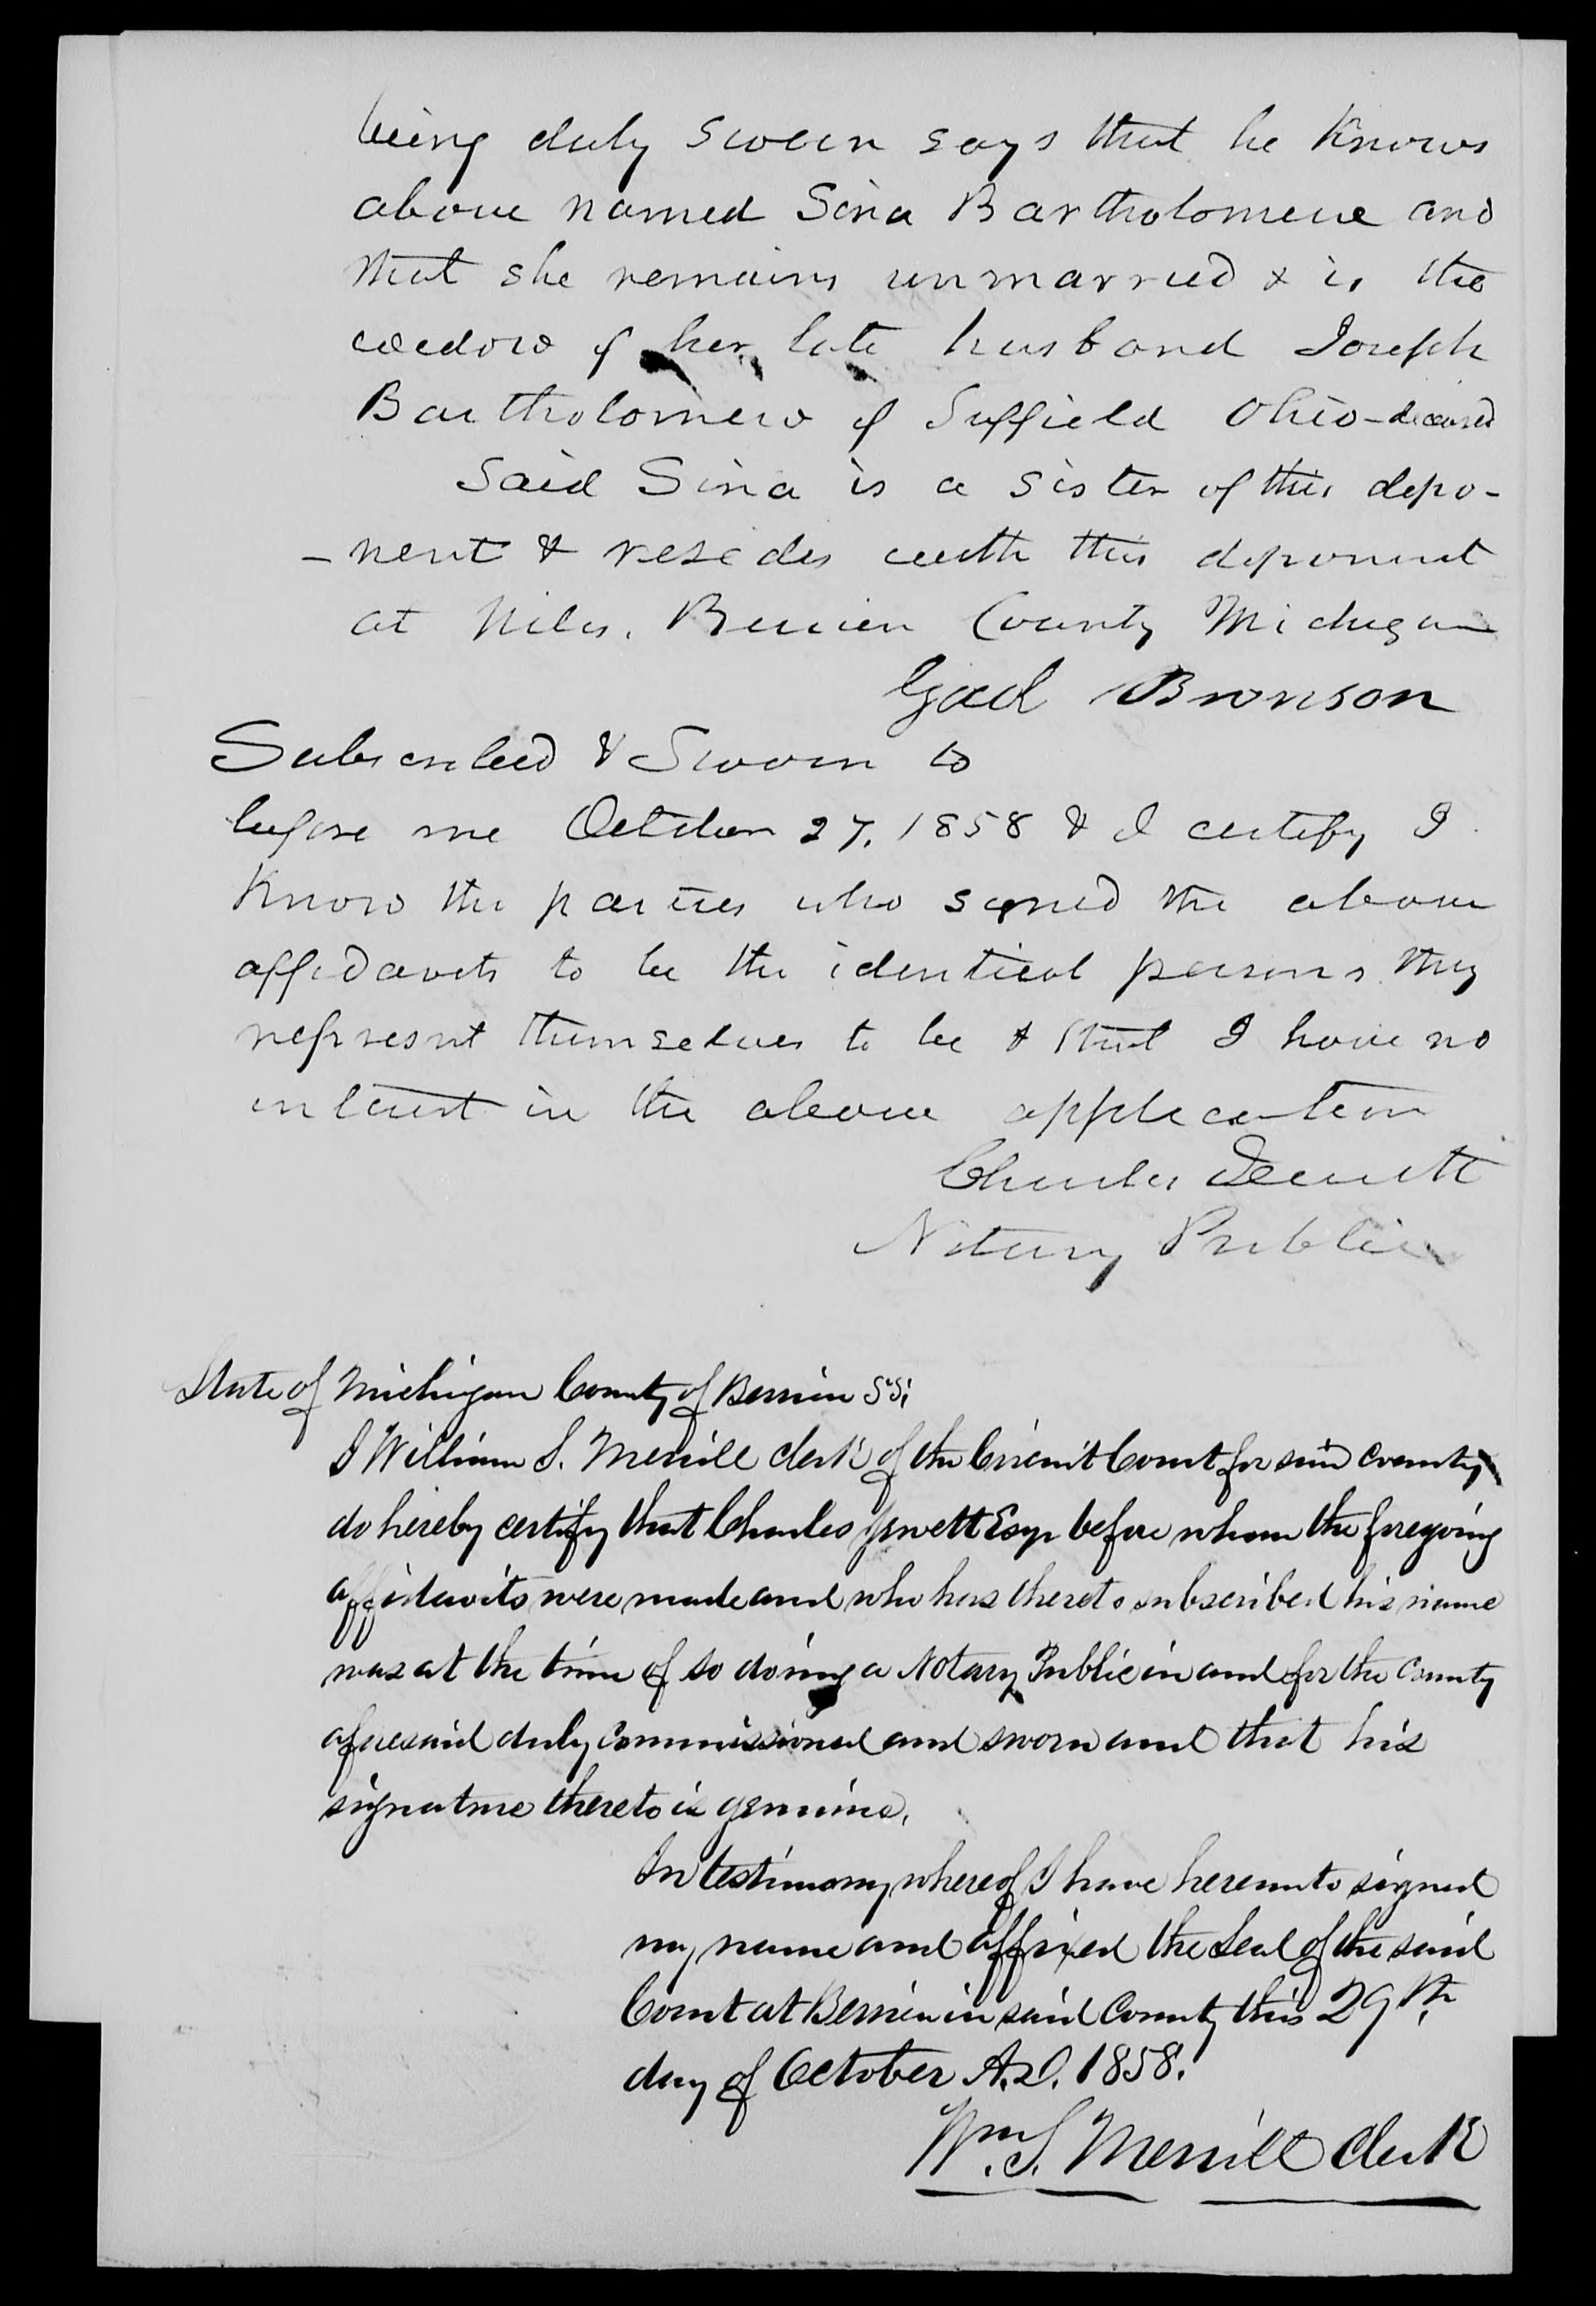being duly sworn says that he knows
above named Sina Bartholomew and
that she remains unmarried & is the
widow of her late husband Joseph
Bartholomew of Suffield Ohio, deceased
said Sina is a sister of this deponent
& resides with this deponent
at Niles, Berrien County Michigan
Gad Bronson
Subscribed & Sworn to
before me October 27, 1858 & I certify I
know the parties who signed the above
davits to be the identical persons they
represent themselves to be & that I have no
interest in the above application
Charles Jewett
Notary Public
Michigan County of Berrien SS:
I William S. Merrill Clerk of the Circuit Court for said County
do hereby certify that Charles Jewett Esqr before whom the foregoing affidavits were made and who has thereto subscribed his name
was at the time of so doing a Notary Public in and for the County aforesaid duly commissioned and sworn and that his
signature thereto is genuine
In testimony whereof I have hereunto signed
my name and affixed the Seal of the said
Court at Berrien in said County this 29th
day of October A.D. 1858.
Wm S. Merrill Clerk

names: Wm S Merrill, Sina Bartholomew, William S Merrill, Gad Bronson, Charles Jewett, Sina, Joseph Bartholomew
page: 45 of 76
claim: widow's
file: W. 9345, Joseph Bartholomew, Conn.